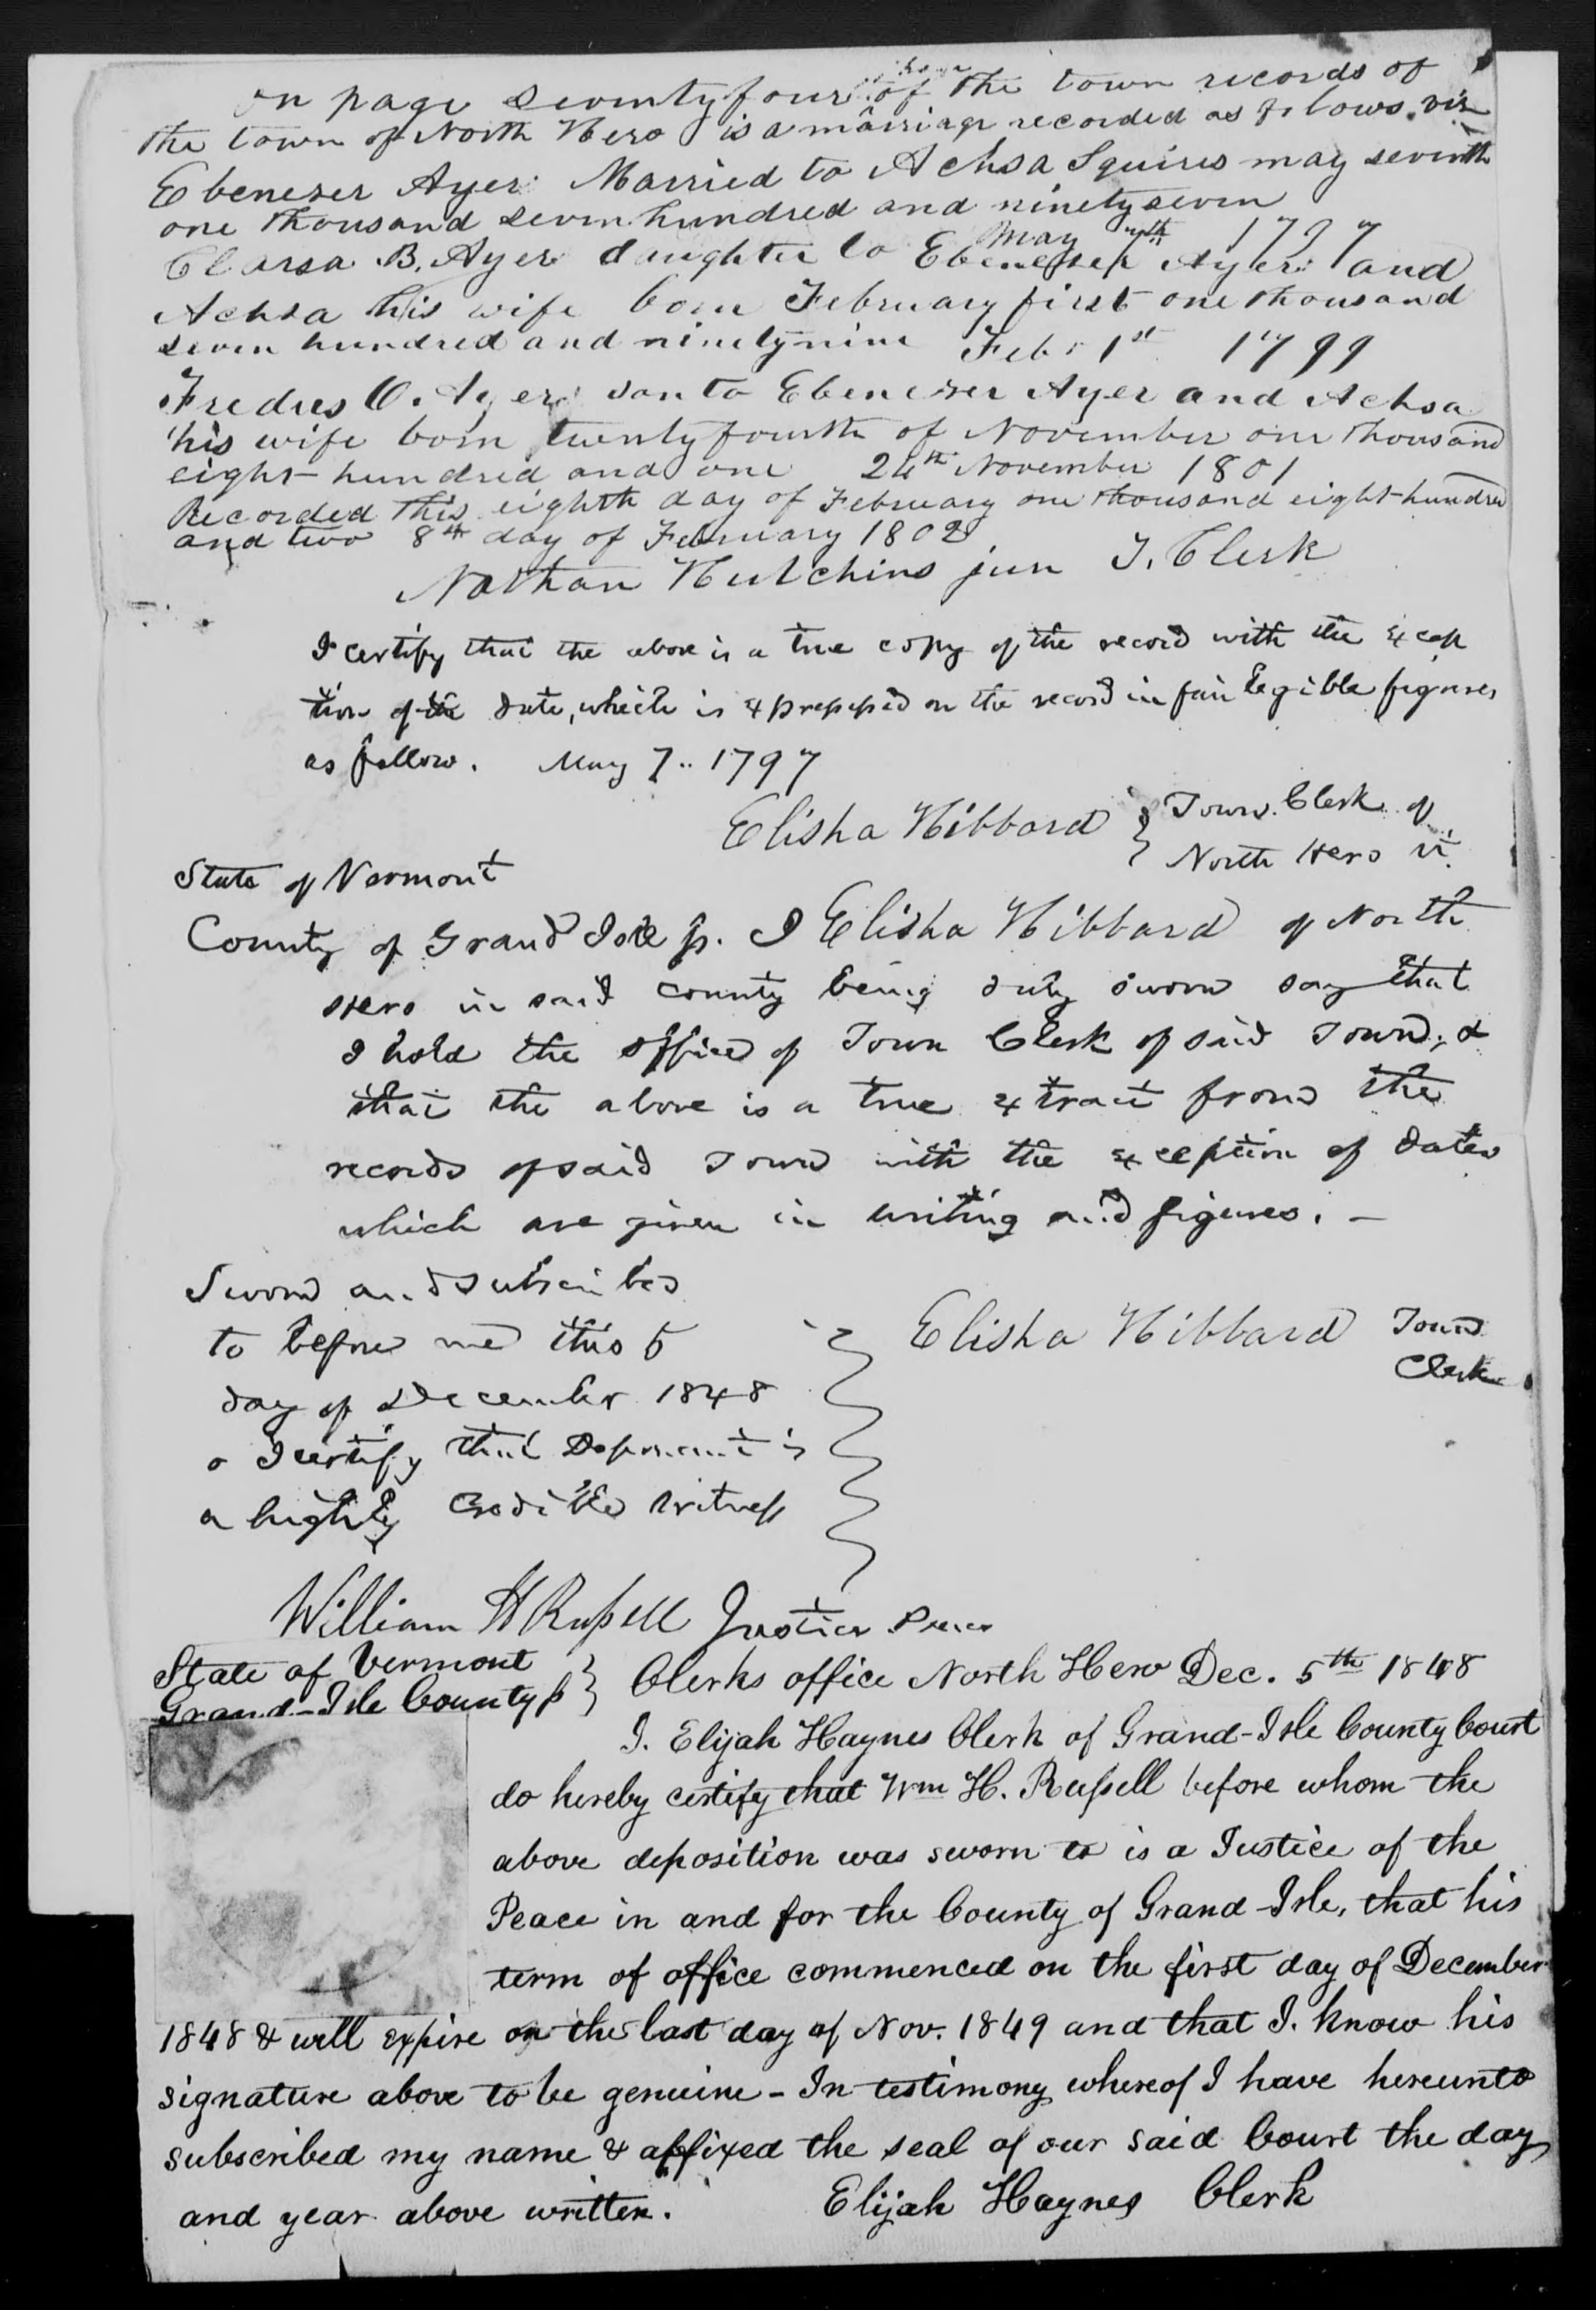on page seventy four ^of the town records of the town of North Hero is a marriage recorded as folows [follows], viz. Ebenezer Ayers Married to Achsa Squires may seventh one thousand seven hundred and ninety seven  
May 7th 1797
Clarsa B. Ayer daughter to Ebenezer Ayers and Achsa his wife born February first one thousand seven hundred and ninety nine 
Febr 1st 1799
Fredus O. Ayers son to Ebenezer Ayers and Achsa his wife born twenty fourty of November one thousand eight hundred and one 
24th November 1801
Recorded this eighth day of February one thousand eight hundred and two 
8th day of February 1802
Nathan Hutchin Jun T. Clerk
I certify that the above is a true copy of the record with the exception of the date, which is pressessed  on the record in fair legible figures as follows.  May 7, 1797
Elisha Hibbard} Town Clerk North Hero VT
State of Vermont
County of Grand Isle ss.
I Elisha Hibbard of North Hero in said county being duly sworn say that I hold the office of Town Clerk of said Town, & that the above is a true extract from the records of said Town with the exception of dates which are given in writing and figures.
Elisha Hibbard Town Clerk
Sworn and subscribed to before me}
this 5 day of December 1848 & I certify}
that Deponent is a highly credible witness}
William H. Russell Justice Peace
State of Vermont}
Grand Isle County ss}
Clerks office North Hero Dec. 5th 1848
I, Elijah Haynes Clerk of Grand-Isle County Court do hereby certify that Wm H. Russell before whom the above deposition was sworn to is a Justice of the Peace in and for the County of Grand-Isle, that his term of office commenced on the first day of December 1848 & will expire on the last day of Nov. 1849 and that I know his signature above to be genuine - In testimony whereof I have hereunto subscribed my name & affixed the seal of our said Court the day and year above written.
Elijah Haynes Clerk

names: Achsa Squires, Elisha Hibbard, Elijah Haynes, Elisha Hibbard, Ebenezer Ayer, Clarsa B Ayer, Fredus O Ayer, Nathan Hutchins, Achsa, Elijah Haynes, William H Russell, Achsa, Elisha Hibbard, Wm H Russell, Ebenezer Ayer, Ebenezer Ayer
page: 12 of 50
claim: widow's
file: W. 8559, Ebenezer Ayer, Continental (Conn)